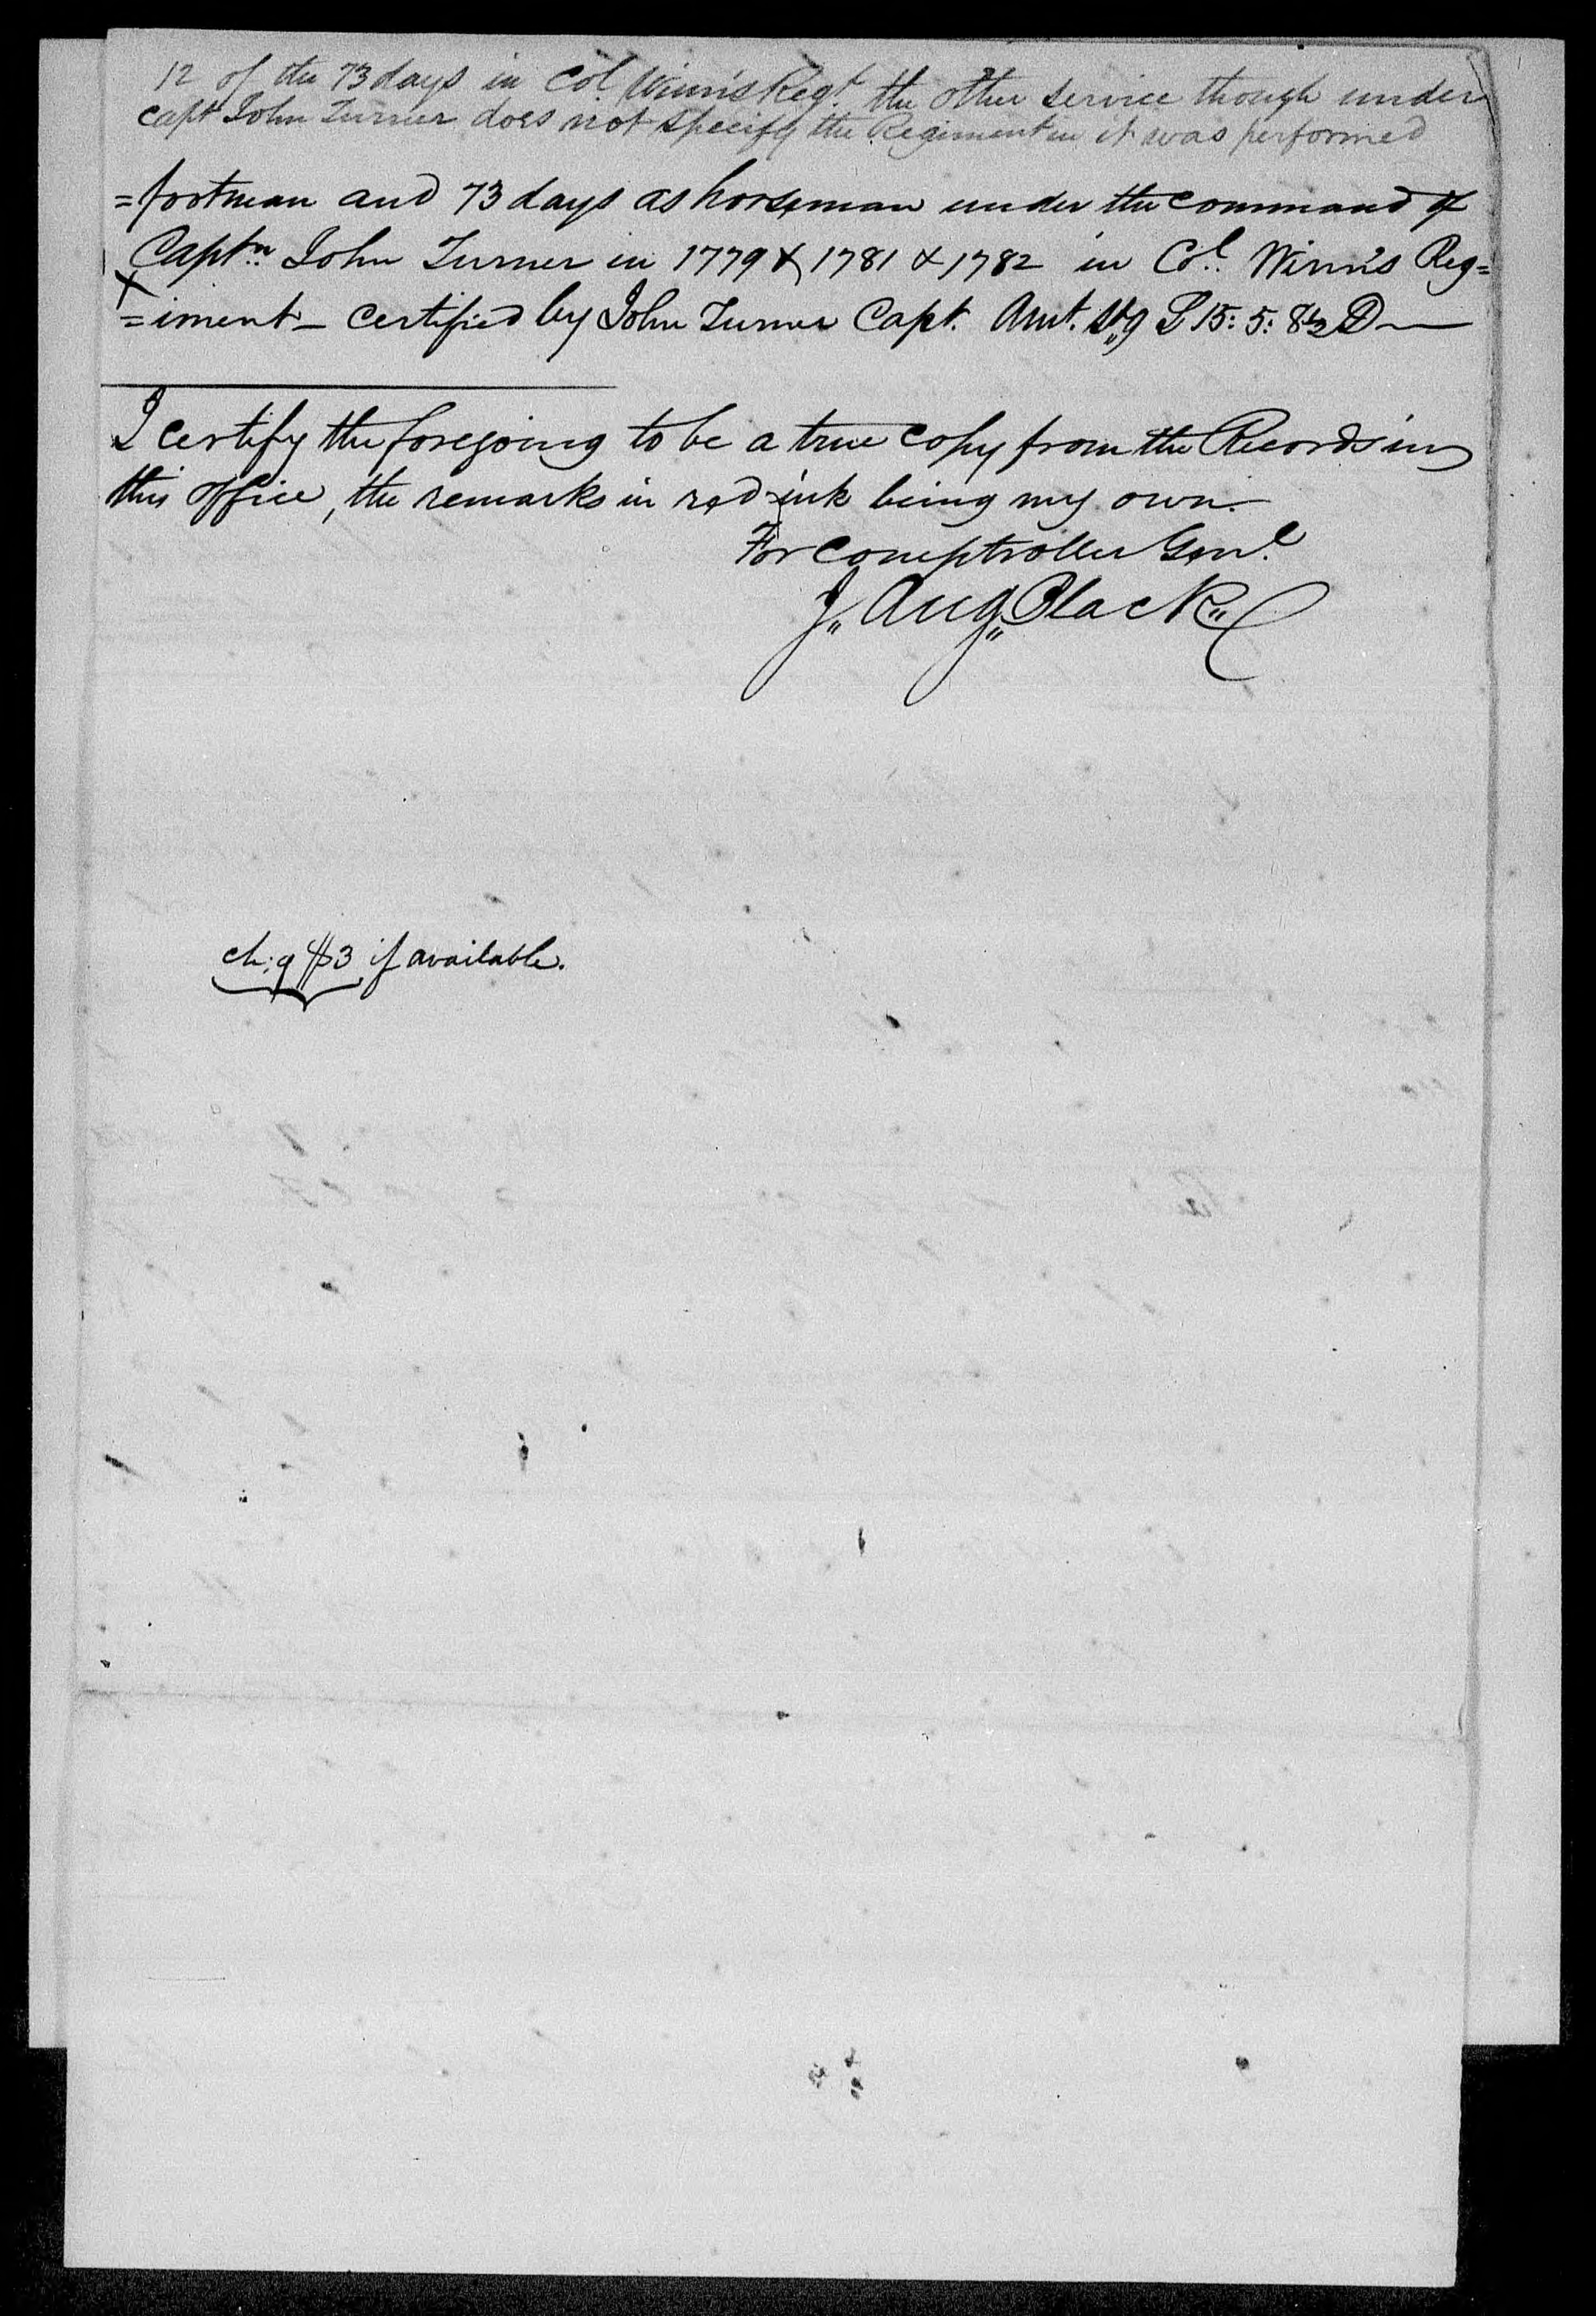12 of the 73 days in Col Winnis Regt the other service though under Capt John Turner does not specify the Regiment in it was performed 

=footman and 73 days as horseman under the command of Capt John Turner in 1779 & 1781 & 1782 in Col Winn's Regiment certified by John Turner Capt. Amt. $15.5.8 1/2 D

 I certify the foregoing to be a true copy from the Records in this office, the remarks in red ink being my own For 

Comptroller Genl 
J. Aug Black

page: 62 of 93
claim: widow's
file: W. 21792, for Thomas Mc Clurken, South Carolina